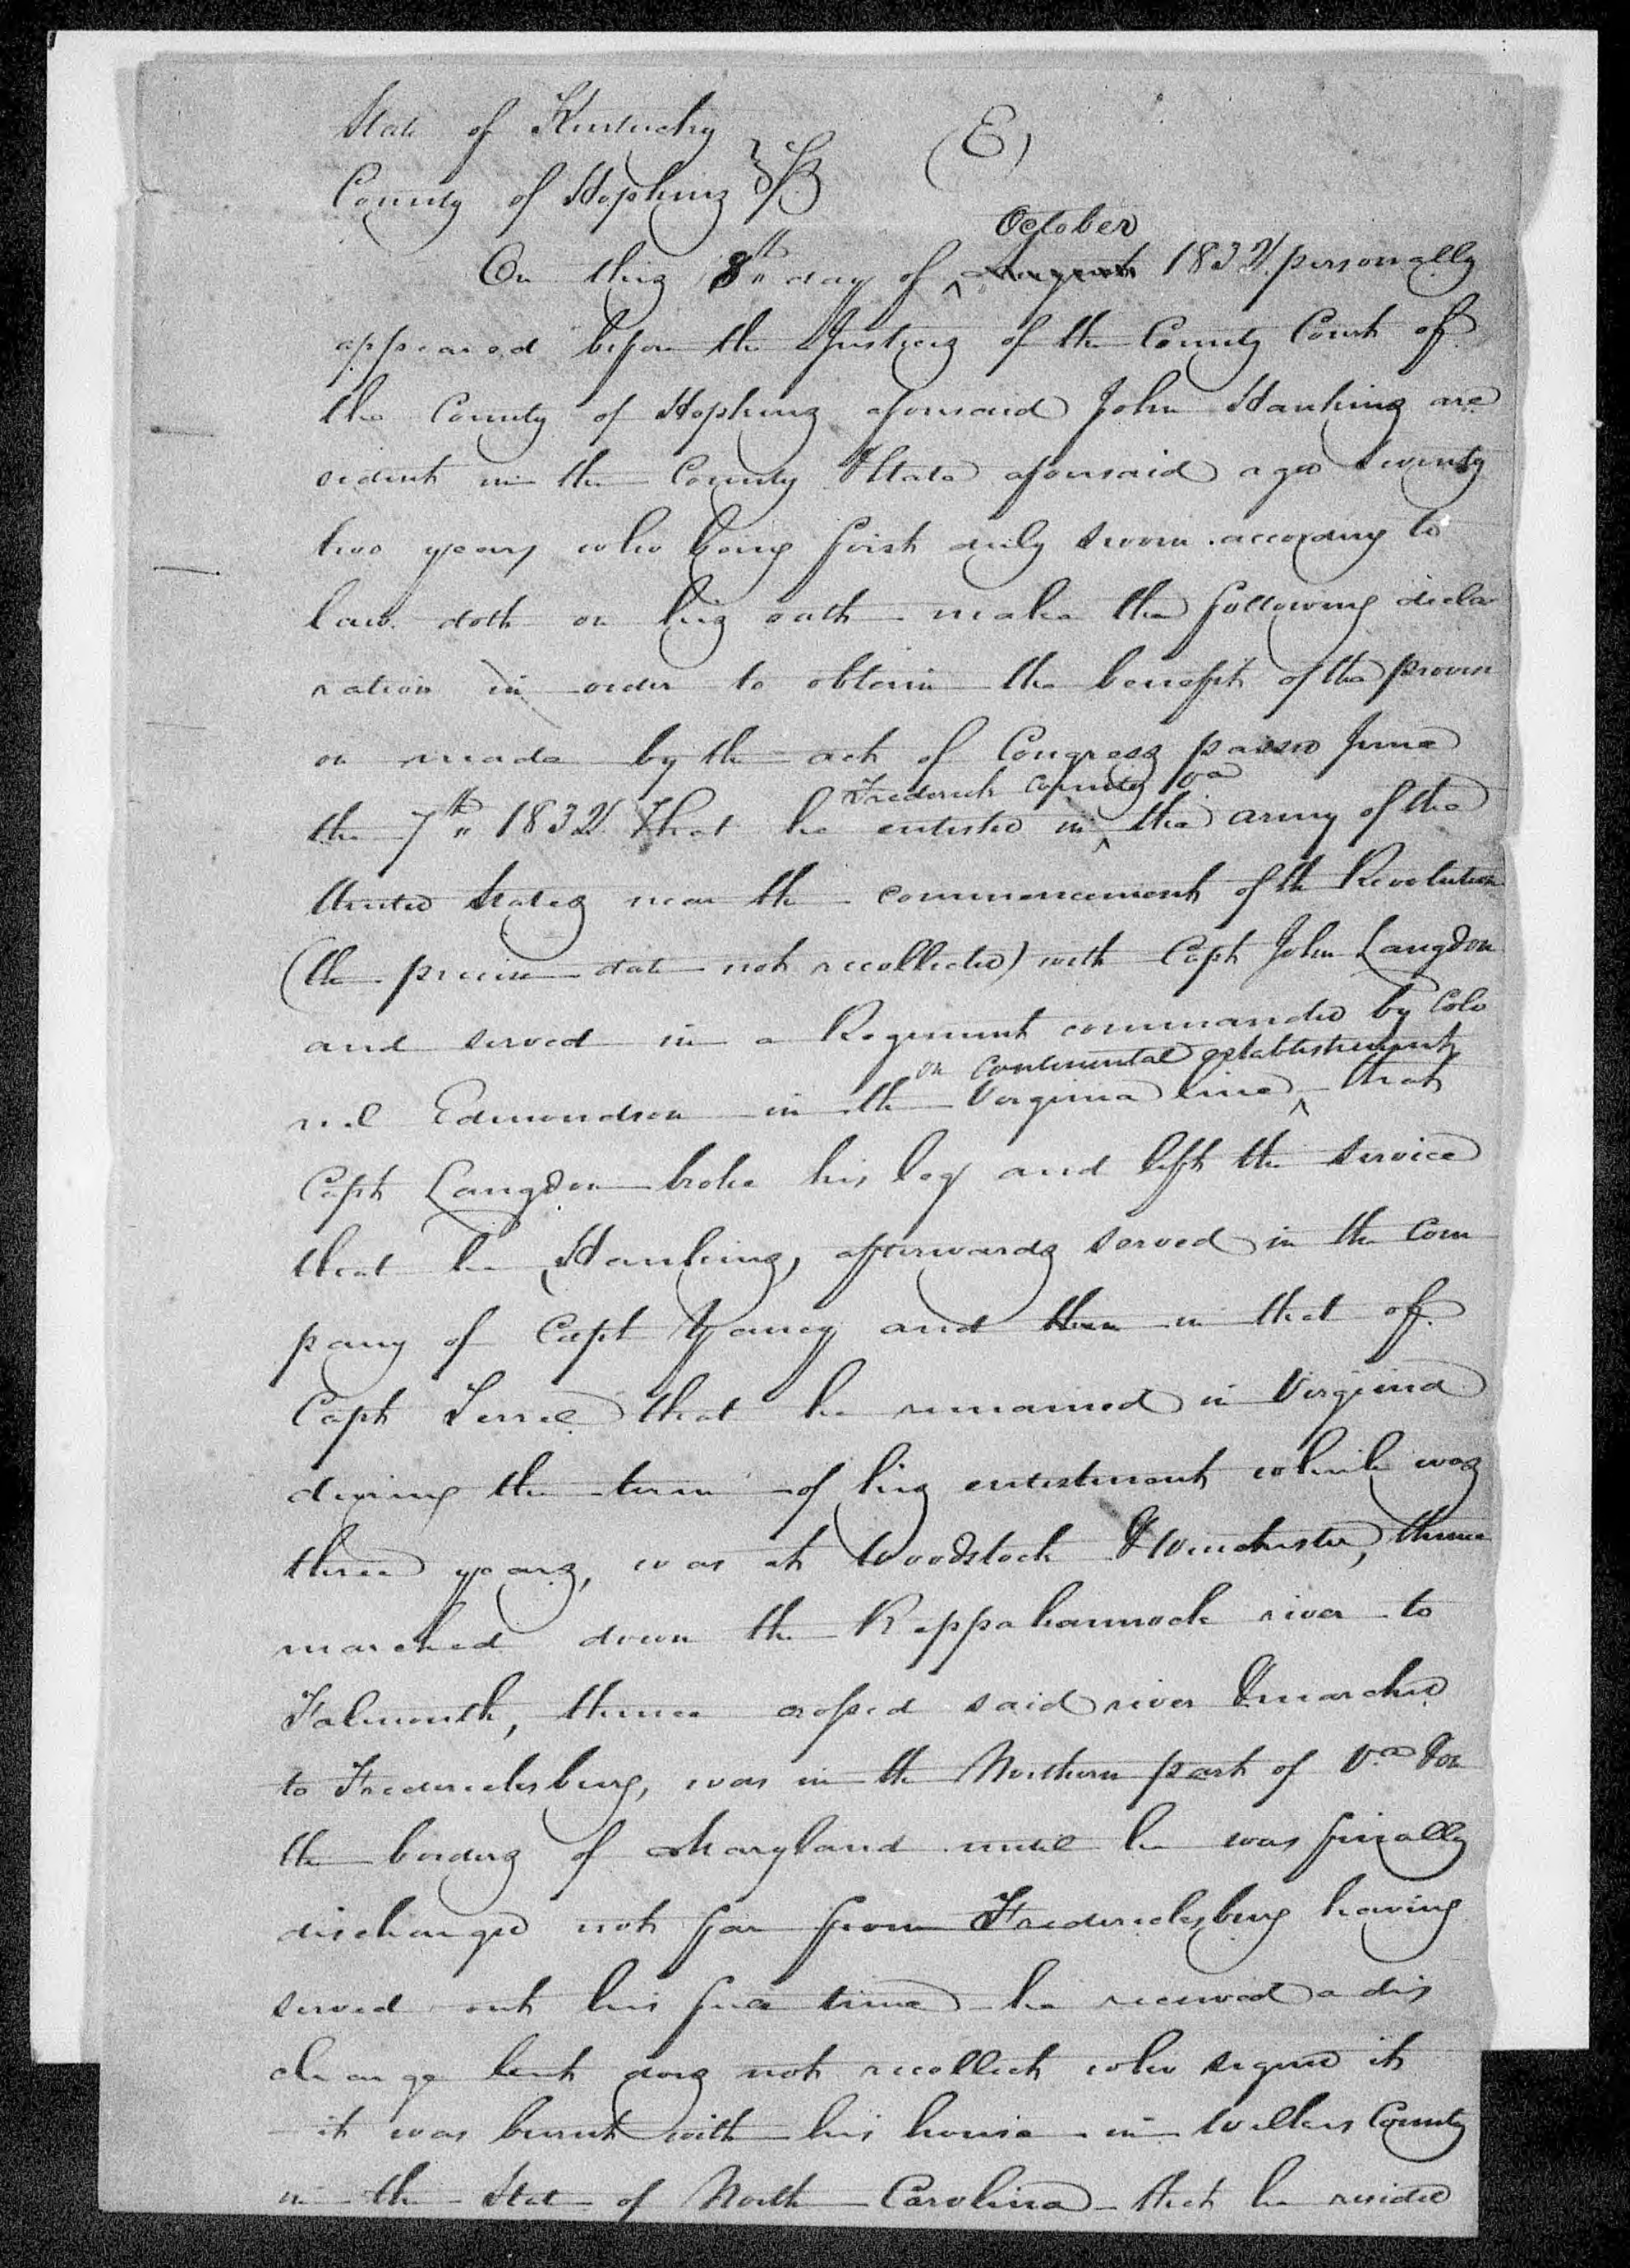State of Kentucky
County of Hopkins Ss (E)

On this 8th day of October 1832 personally appeared 
before the Justice of the County Court of the County 
of Hopkins aforesaid John Hankins and district in the County & State aforesaid aged Seventy two years who being first duly sworn according to law doth on his oath 
make the following declaration in order to obtain the benefit of the provision made by the act of Congress passed June the 7th 1832.

That he enlisted in Frederick County Va. the army of the United States near the commencement of the Revolution
(that precise date not recollected) with Capt John Langdon and served in the Regiment commanded by 
Colonel Edmondson in the Virginia line or Continental establishment - that Capt Langdon broke his leg and left the service 

That he Hankins, afterwards served in the Company of Capt Yancey and then in that of Capt Terrel  that he
remained in Virginia during the term of his enlistment which was three years, was at Woodstock & Winchester, thence marched down the Rappahannock River to Falmouth, thence crossed said river & marched 
to Fredericksburg, was in the Northern part of Va.& on the border of Maryland until he was finally discharged not far from Fredericksburg having served out his full time.

he received a discharge but does not recollect who signed it - it was burnt with his house in Wilkes County in the state of North Carolina that he resided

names: Lane, John Hankins, Hankins, Langdon, Young, John Langdon, Edmondson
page: 4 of 19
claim: survivor's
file: S. 16404, John Hankins, Va.